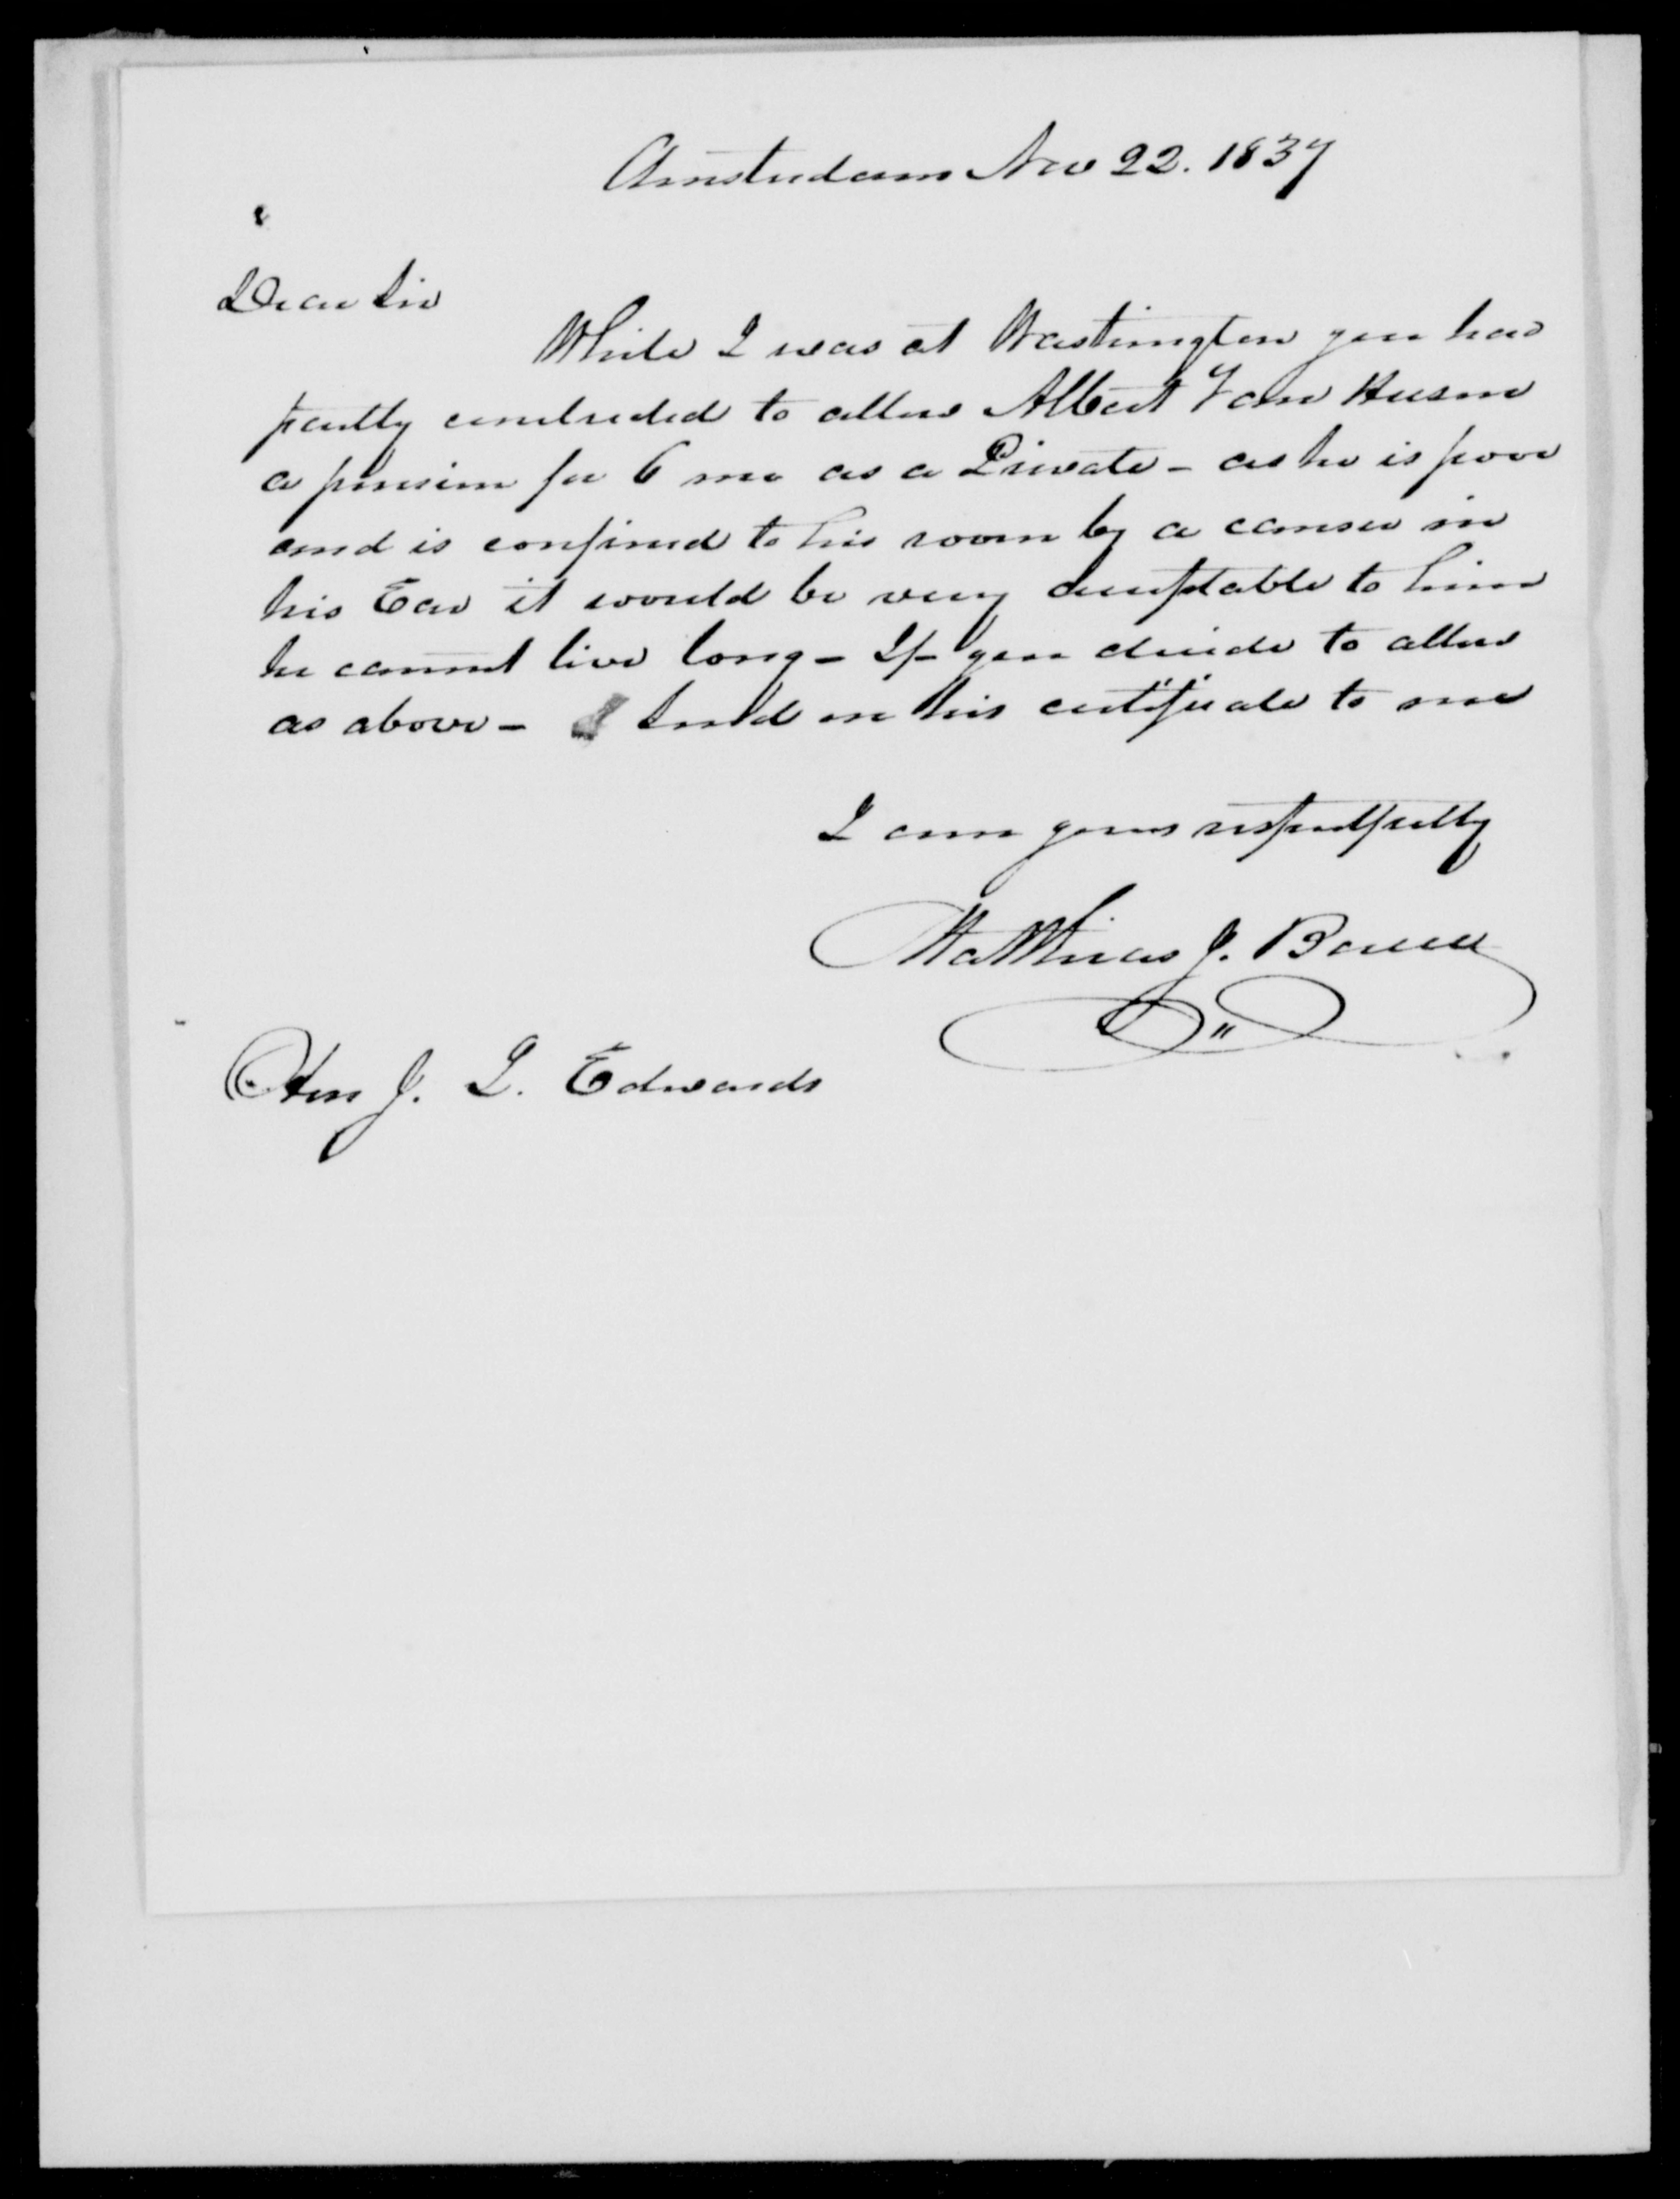Amsterdam Nov 22. 1837 
Dear Sir
While I was at Washington you had partly concluded to allow Albert Van Husen a pension for 6 mo as a Private - as he is poor and is confined to his room by a cancer in his Ear it would be very comfortable [?] to him he cannot live long - If you decide to allow as above - Send on his certificate to me 
I am yours respectfully 
[signed] Matthias J. Bovee

Hon. J. L. Edwards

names: Albert Van Husen, Matthias J Bovee, J L Edwards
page: 21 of 57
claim: survivor's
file: S. 28,925, Albert Van Housen, New York